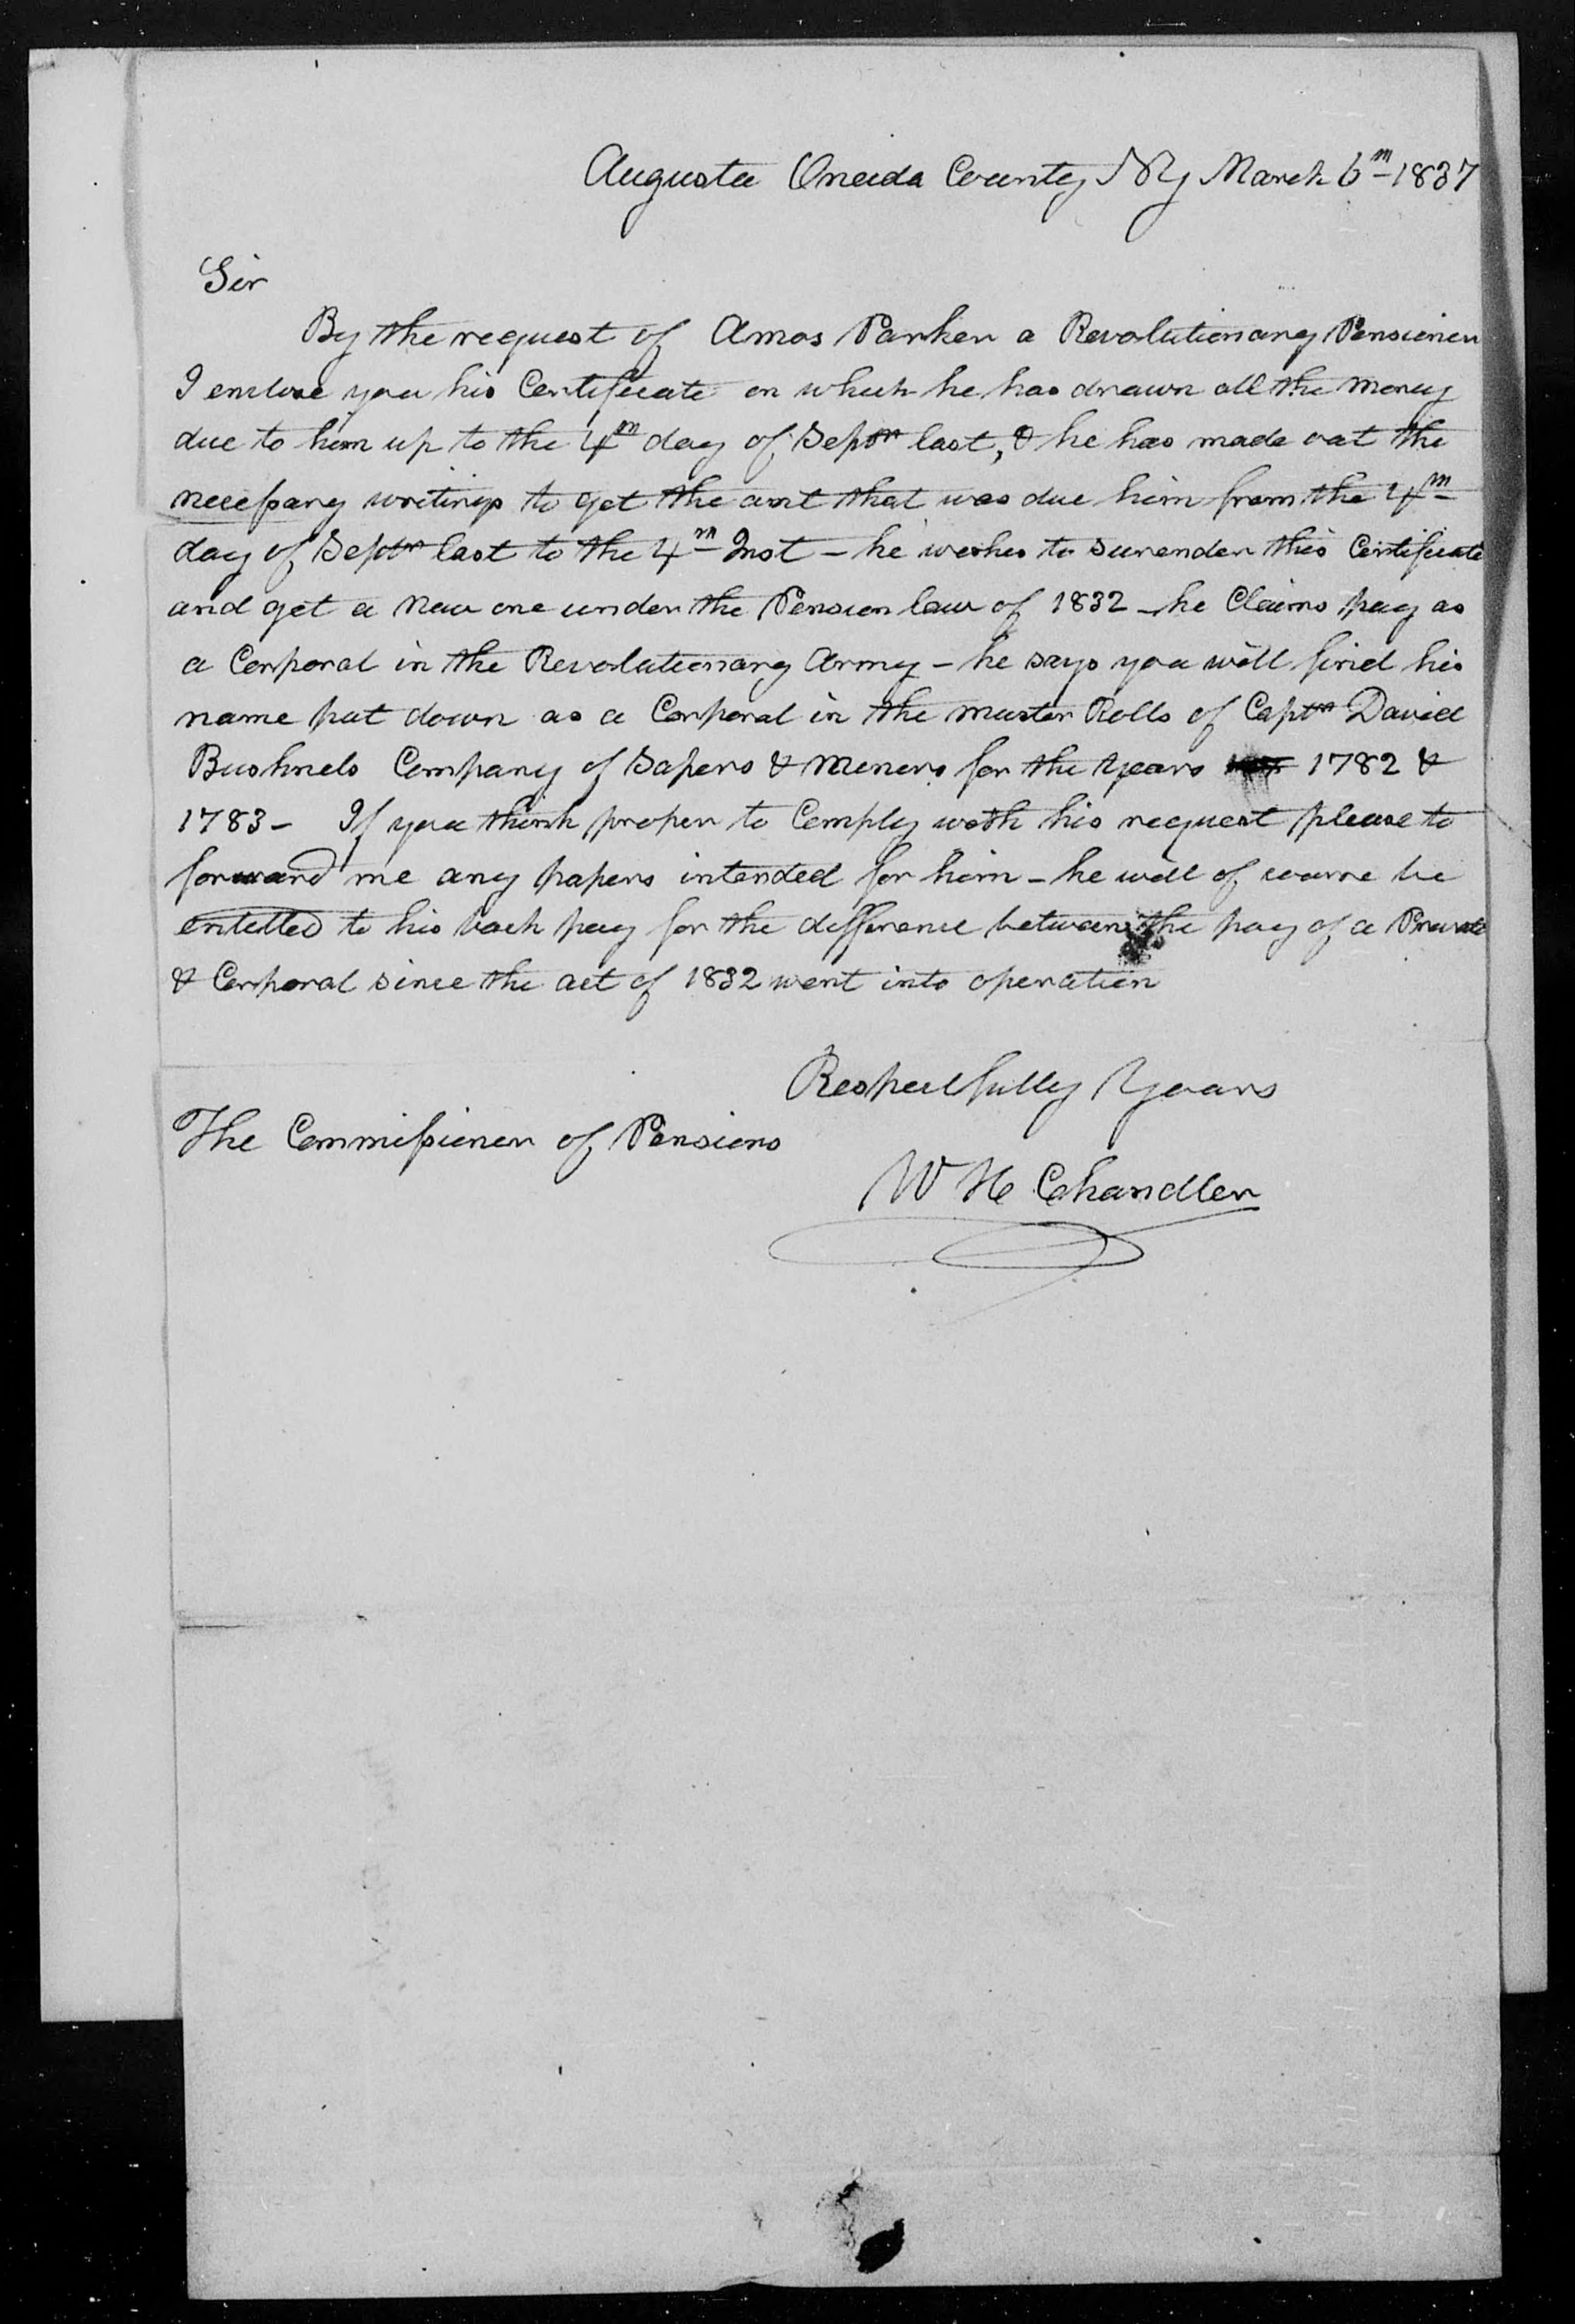Augusta Oneida County by March 6th 1837
Sir
By the request of Amos Parker a Revolutionary Pensioner
I enclose you his certificate on which he has drawn all the money
due to him up to the 4th day of Sept last, & he has made at the
necessary writings to get the amt that was due him from the 4th
day of Sept last to the 4th Inst. - he wishes to surrender this certificate
and get a new one under the pension law of 1832 he claims pay as 
a corporal in the Revolutionary Army - he says you will find his
name put down as a corporal in the Muster Rolls of Capt David
Bushels Company of Sapers & miners for the years 1782 &
1783. If you think proper to comply with his request please to
forward me any paper intended for him. he will of course be
entitled to his back pay for the difference between the pay of a Private
& Corporal since the act of 1832 went into operation
Respectfully yours
The Commissioner of Pensions
W H Chandler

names: Amos Parker; W H Chandler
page: 15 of 31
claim: survivor's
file: S. 43766, for Amos Parker, Connecticut